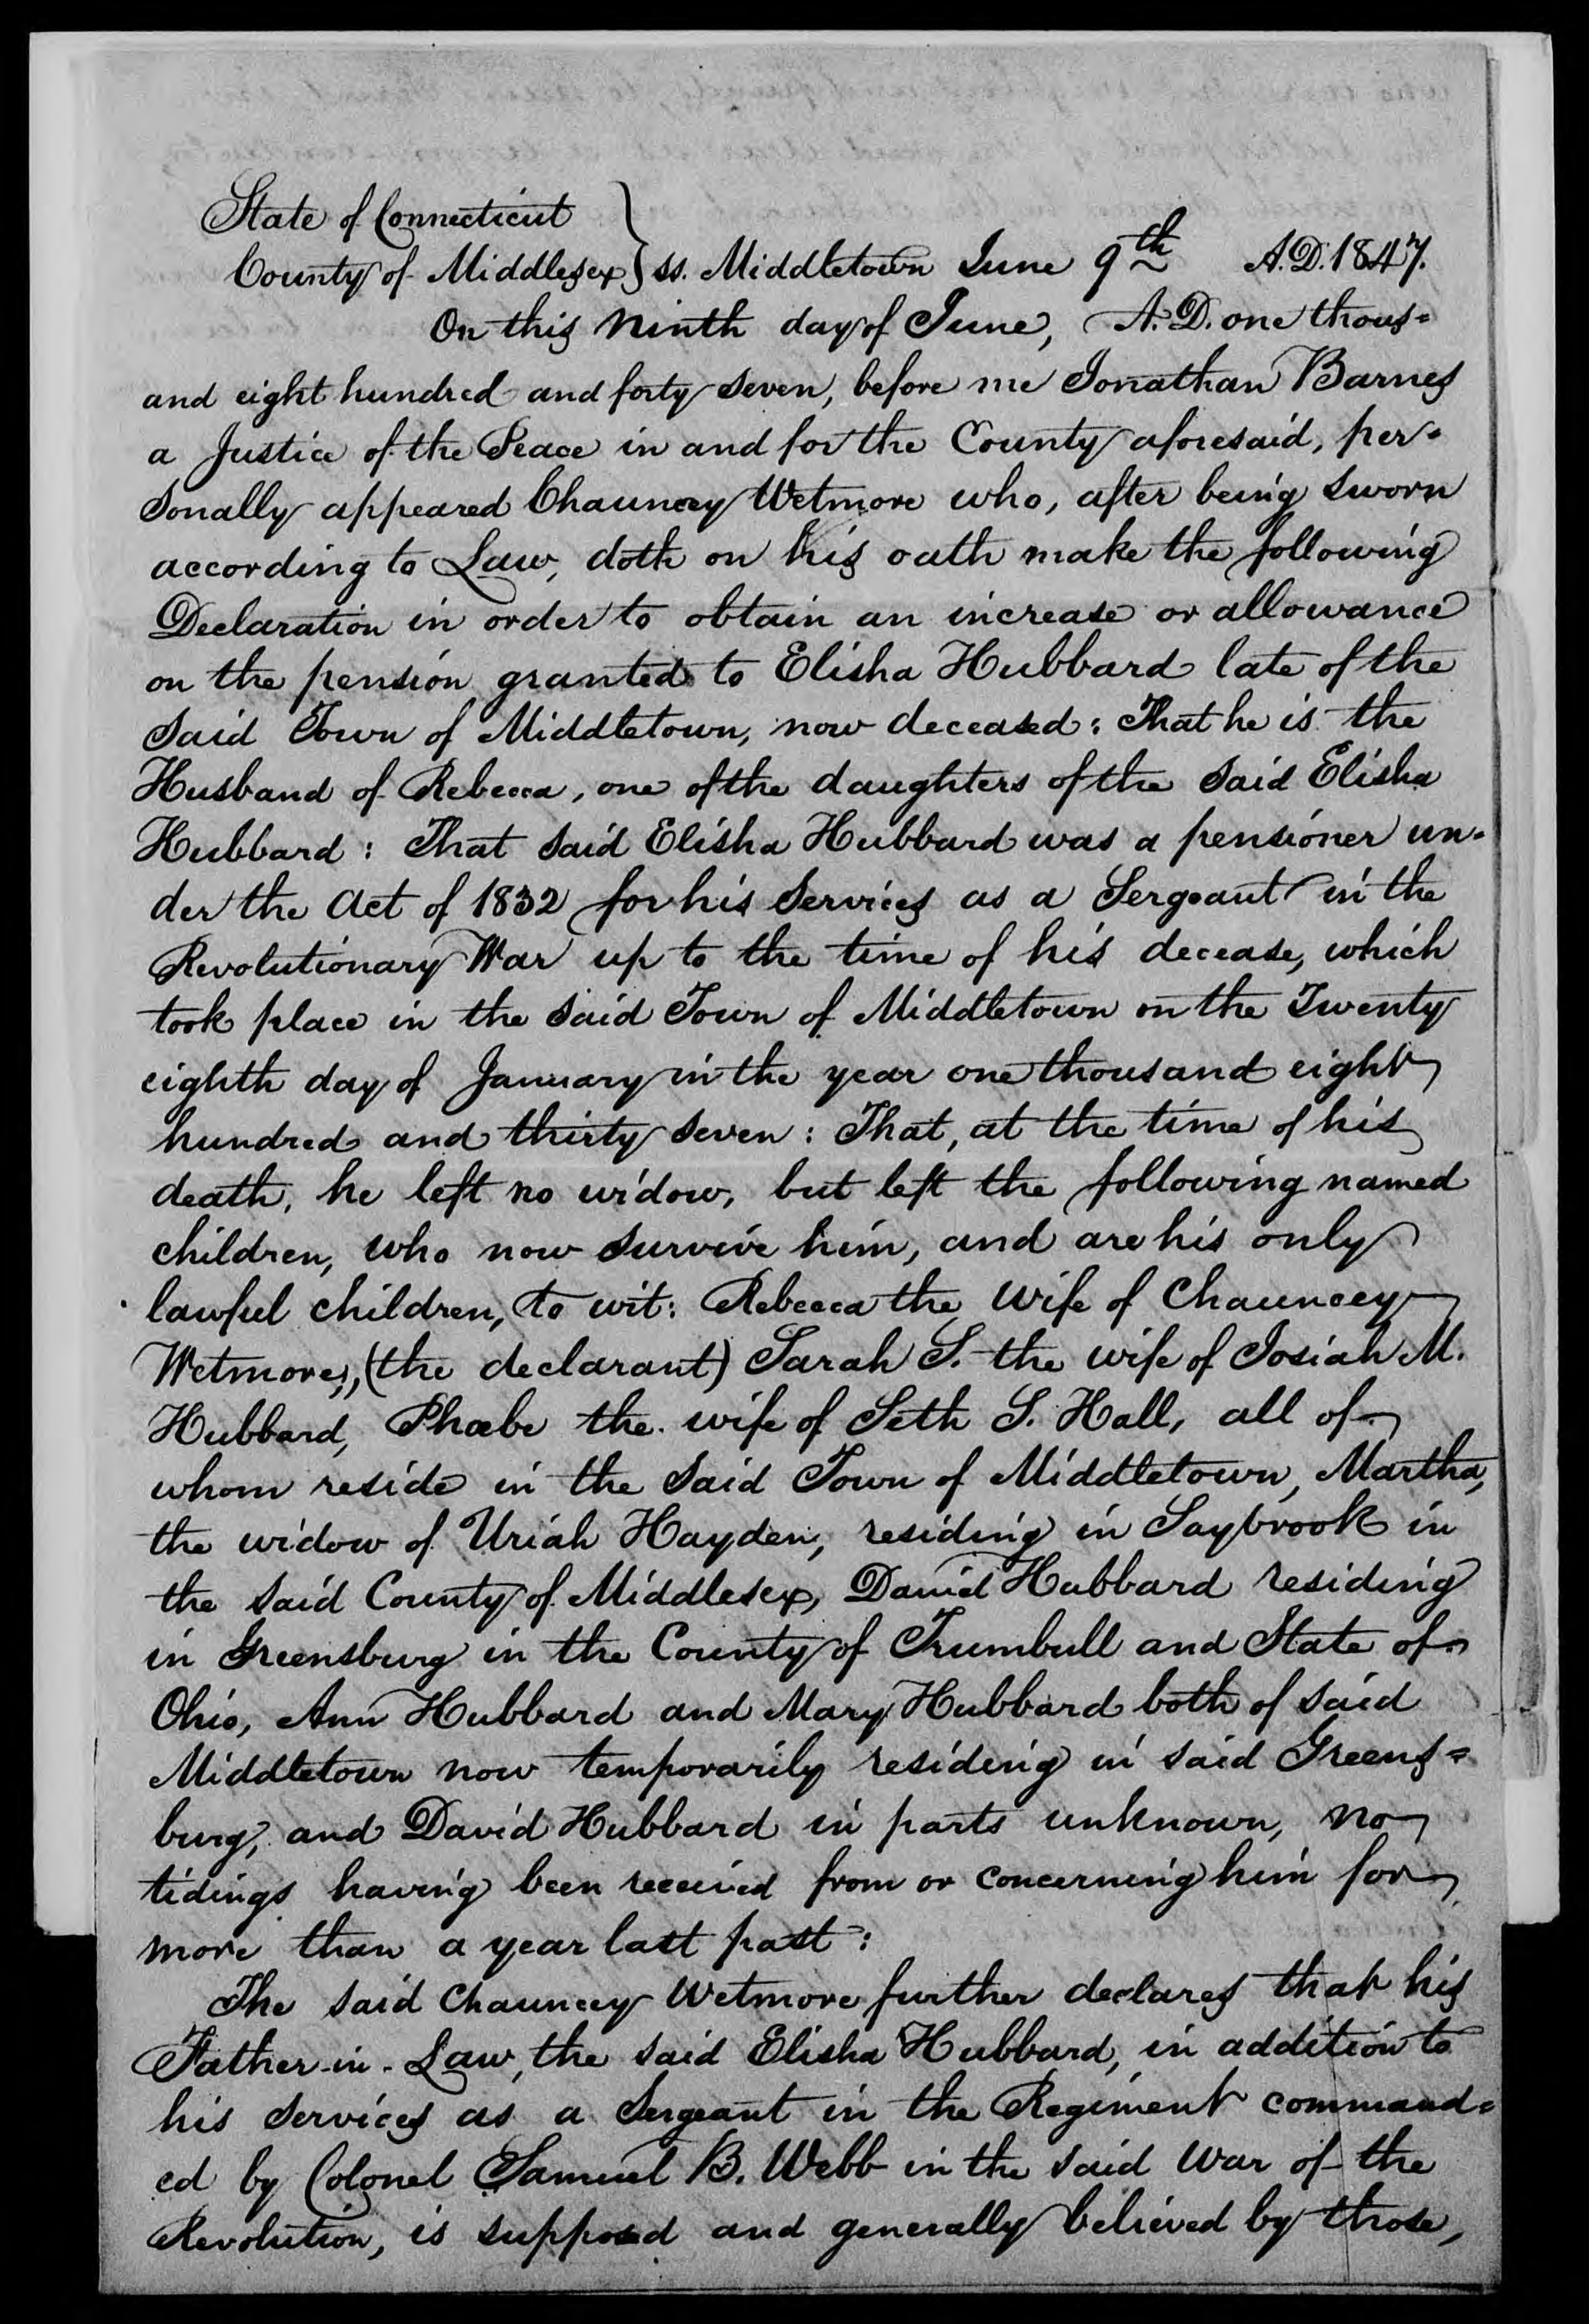State of Connecticut }
County of Middlesex} ss. Middletown June 9th A.D. 1847

On the ninth day of June, A.D. one thousand eight hundred and forty  seven, before me Jonathan Baarnes a Justice of the Peace in and for the County aforesaid, personally appeared Chauncey Wetmore who after being Sworn according to Law, doth on his oath make the following Declaration in order to obtain an increase or allowance on the pension granted to Elisha Hubbard late of the said Town of Middletown, noe deceased : That he is the Husband of Rebecca, one of the daughters of the Said Elisha Hubbard:  That Said Elisha Hubbard was a pernsioner under the Act of 1832 for his serving as a Sergeant in the Revolututionary Wara up to the time of his decease,  which took place in the Said Town of Middletown on the Twenty eighth day of January in the year one thousand eight gndred and thirty seven: That at the time of his death, he left no widow, but left the folling named childrnl who now Survive him, and are his only lawful children, to wit:  Rebecca the wife of Chauncey Wetmore, (the declarant)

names: Martha, Josiah M Hubbard, Seth S Hall, Chauncey Wetmore, David Hubbard, Ann Hubbard, Sarah S, Daniel Hubbard, Phabe, Uriah Hayden, Rebecca, Mary Hubbard, Jonathan Barnes, Elisha Hubbard, Samuel B Webb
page: 10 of 63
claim: survivor's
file: S. 18457, Elisha Hubbard, Conn. Continental